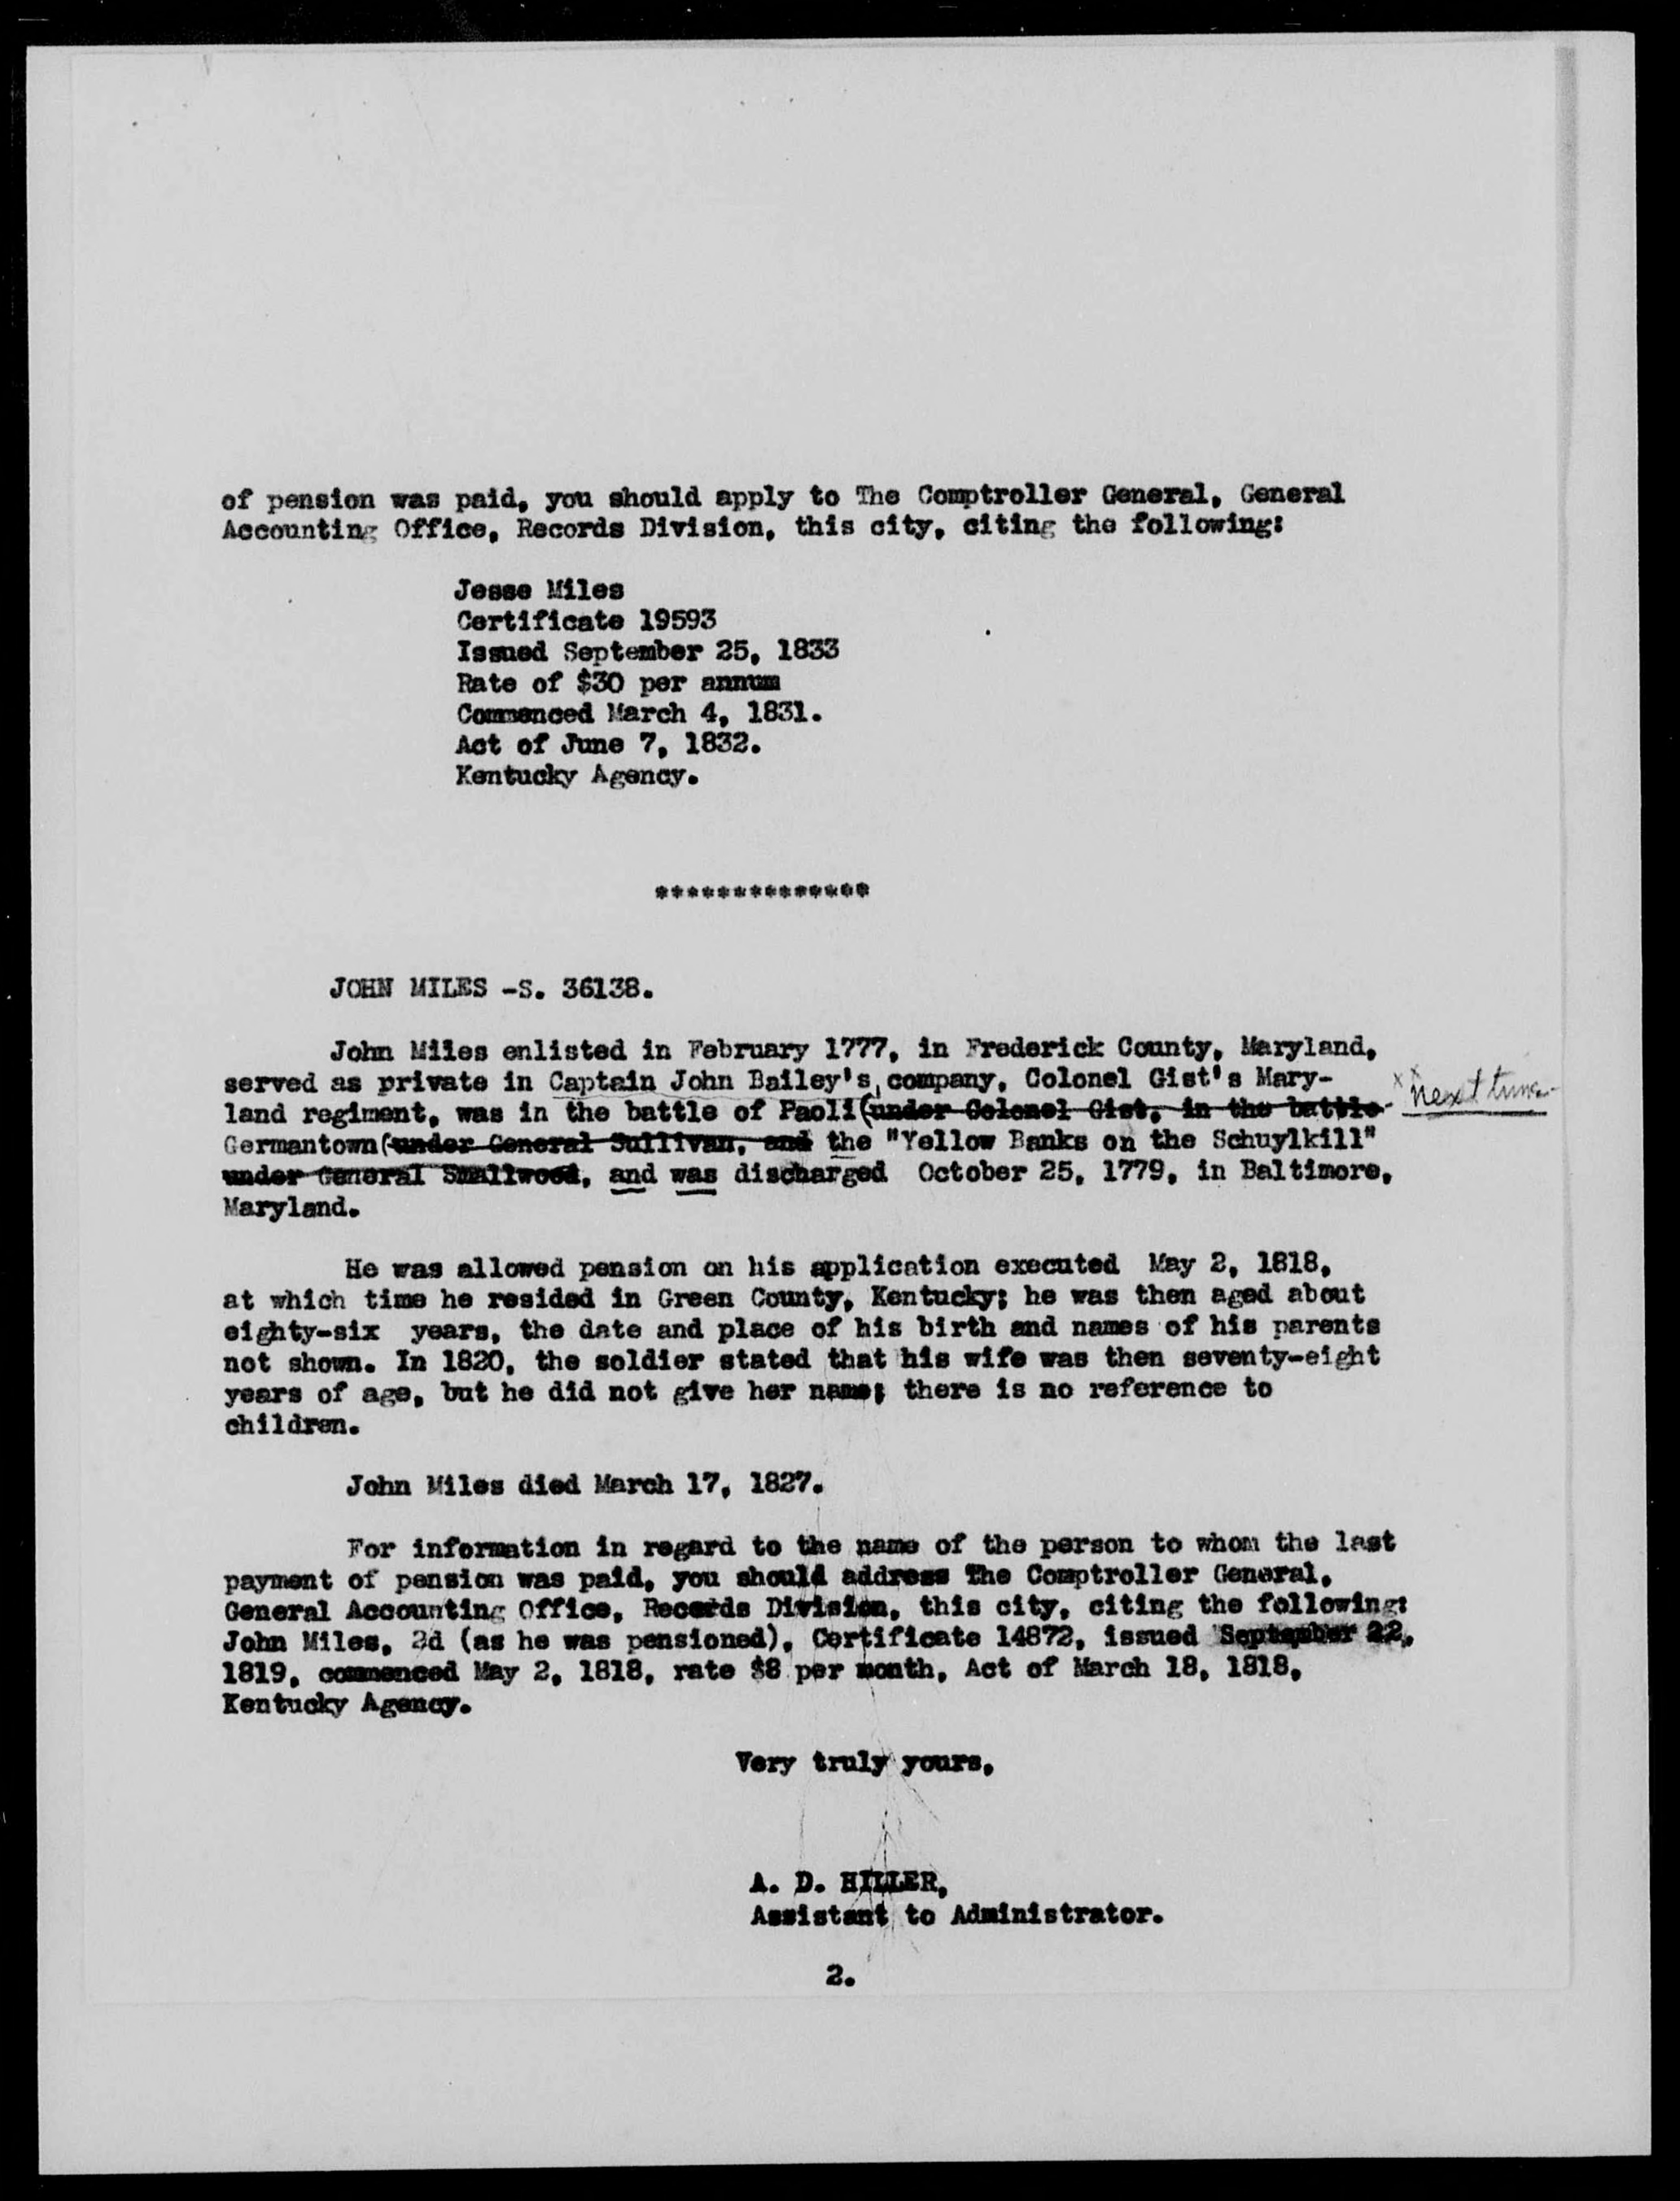of pension was paid, you should apply to the Comptroller General, General Accounting Office, Records Division, this city, citing the following:

Jesse Miles
Certificate 19593
Issued September 25, 1833
Rate of $30 per annum
Commenced March 4, 1831
Act of June 7, 1832
Kentucky Agency.
***************************]
JOHN MILES -S 36138.

John Miles enlisted in February 1777, in Frederick County, Maryland, served as private in Captain John Bailey's company, Colonel Gist's Maryland regiment, was in the battle of Paoli (crossed out "under Colonel Gist, in the battle"] [hand written "next time"] Germantown  [crossed out " under General Sullivan and"] the "Yellow Banks on the Schuylkill" [crossed out "under General Smallwood"  and was discharged October 25, 1779, in Baltimore, Maryland.

He was allowed pension on his application executed May 2, 1818, at which time he resisted in Green County, Kentucky; he was then aged about eighty-six years, the date and place of his birth and names of his parents not shown. In 1820, the soldier stated that his wife was then seventy-eight years of age, but he did not give her name; there is no reference to children.

John Miles died March 17, 1827.

For information in regard to the name of the person to whom the last payment of pension was paid, you should address the Comptroller General, General Accounting Office, Records Division, this city, citing the following: John Miles, 2d (as he was pensioned). Certificate 14872, issued September 22, 1819, commenced May 2, 1818, rate $8 per month, Act of March 18,1818, Kentucky Agency.

Very truly yours,

A. D. HILLER
Assistant to Administrator.

2.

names: [BLANK] Smallwood; [BLANK] Sullivan; John Miles; A D Hiller; Jesse Miles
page: 17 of 24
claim: survivor's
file: S 36138, for John Miles, Maryland